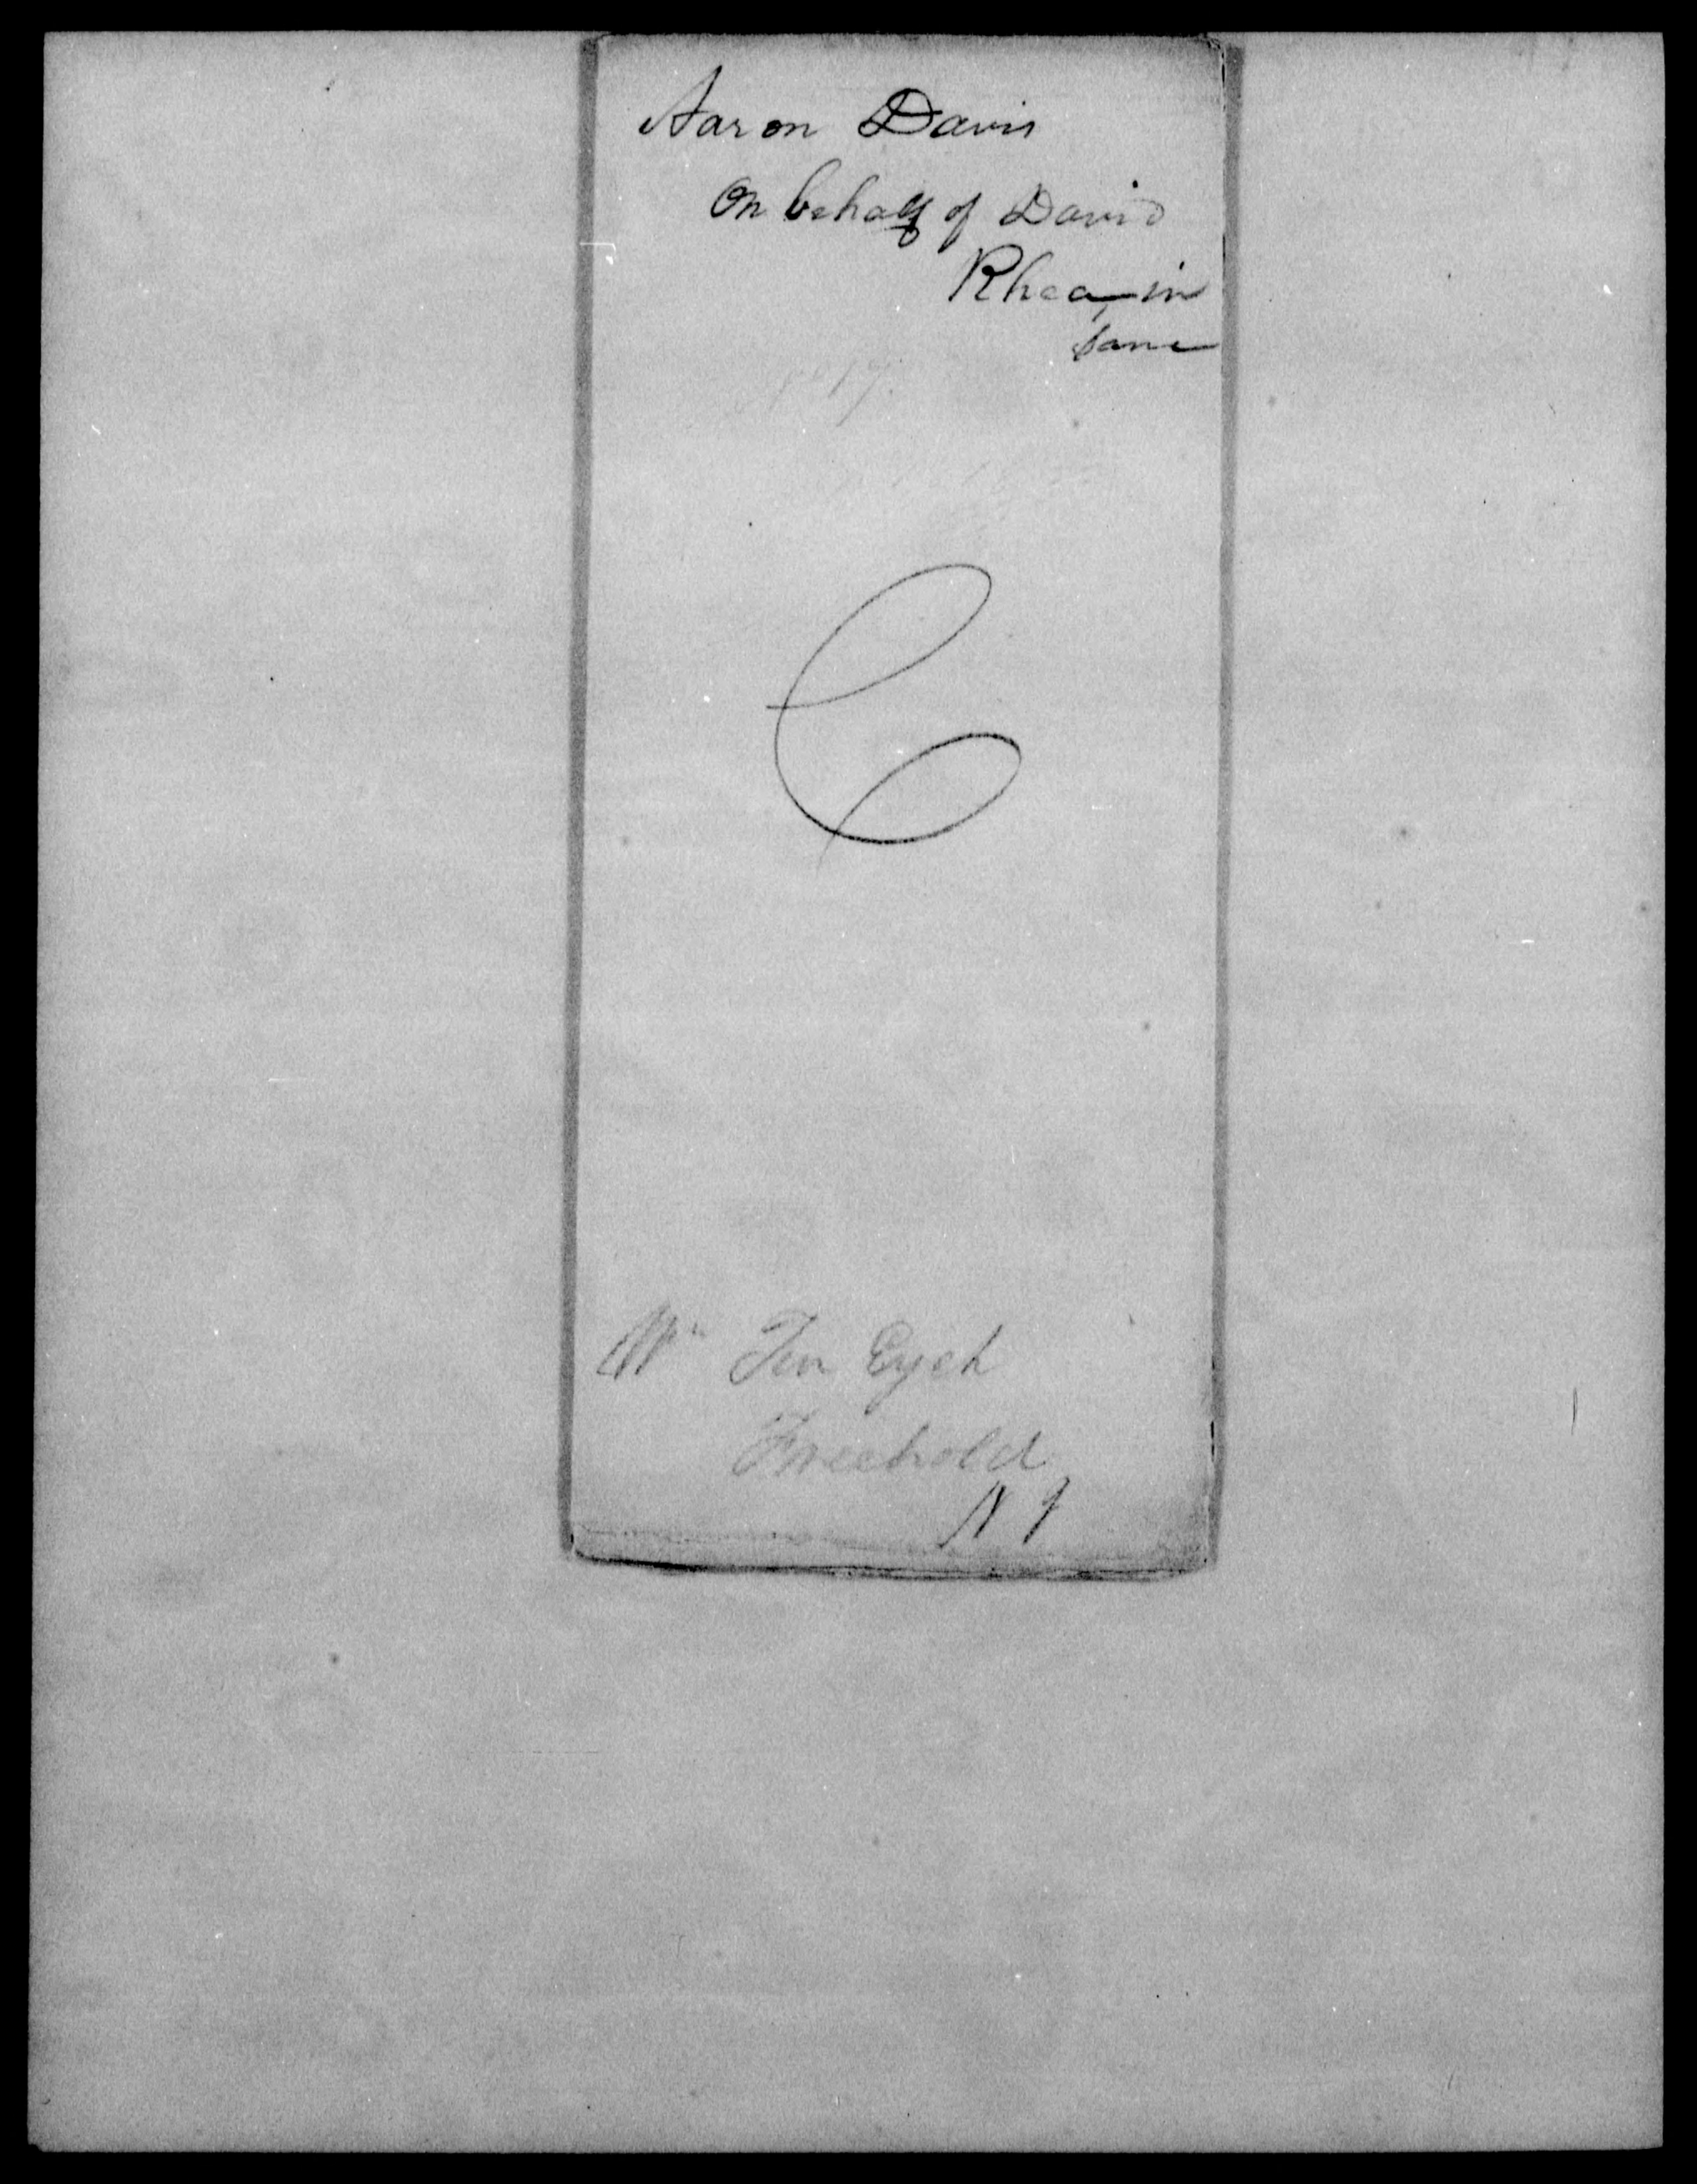Aaron Davis
on behalf of David
Rhea in Sanc [?]
C
Wm Ten Eyck
Freehold
N J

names: David Rhea; Aaron Davis; Wm Ten Eyck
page: 8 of 21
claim: survivor's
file: S. 33,554, for David Rhea, New Jersey